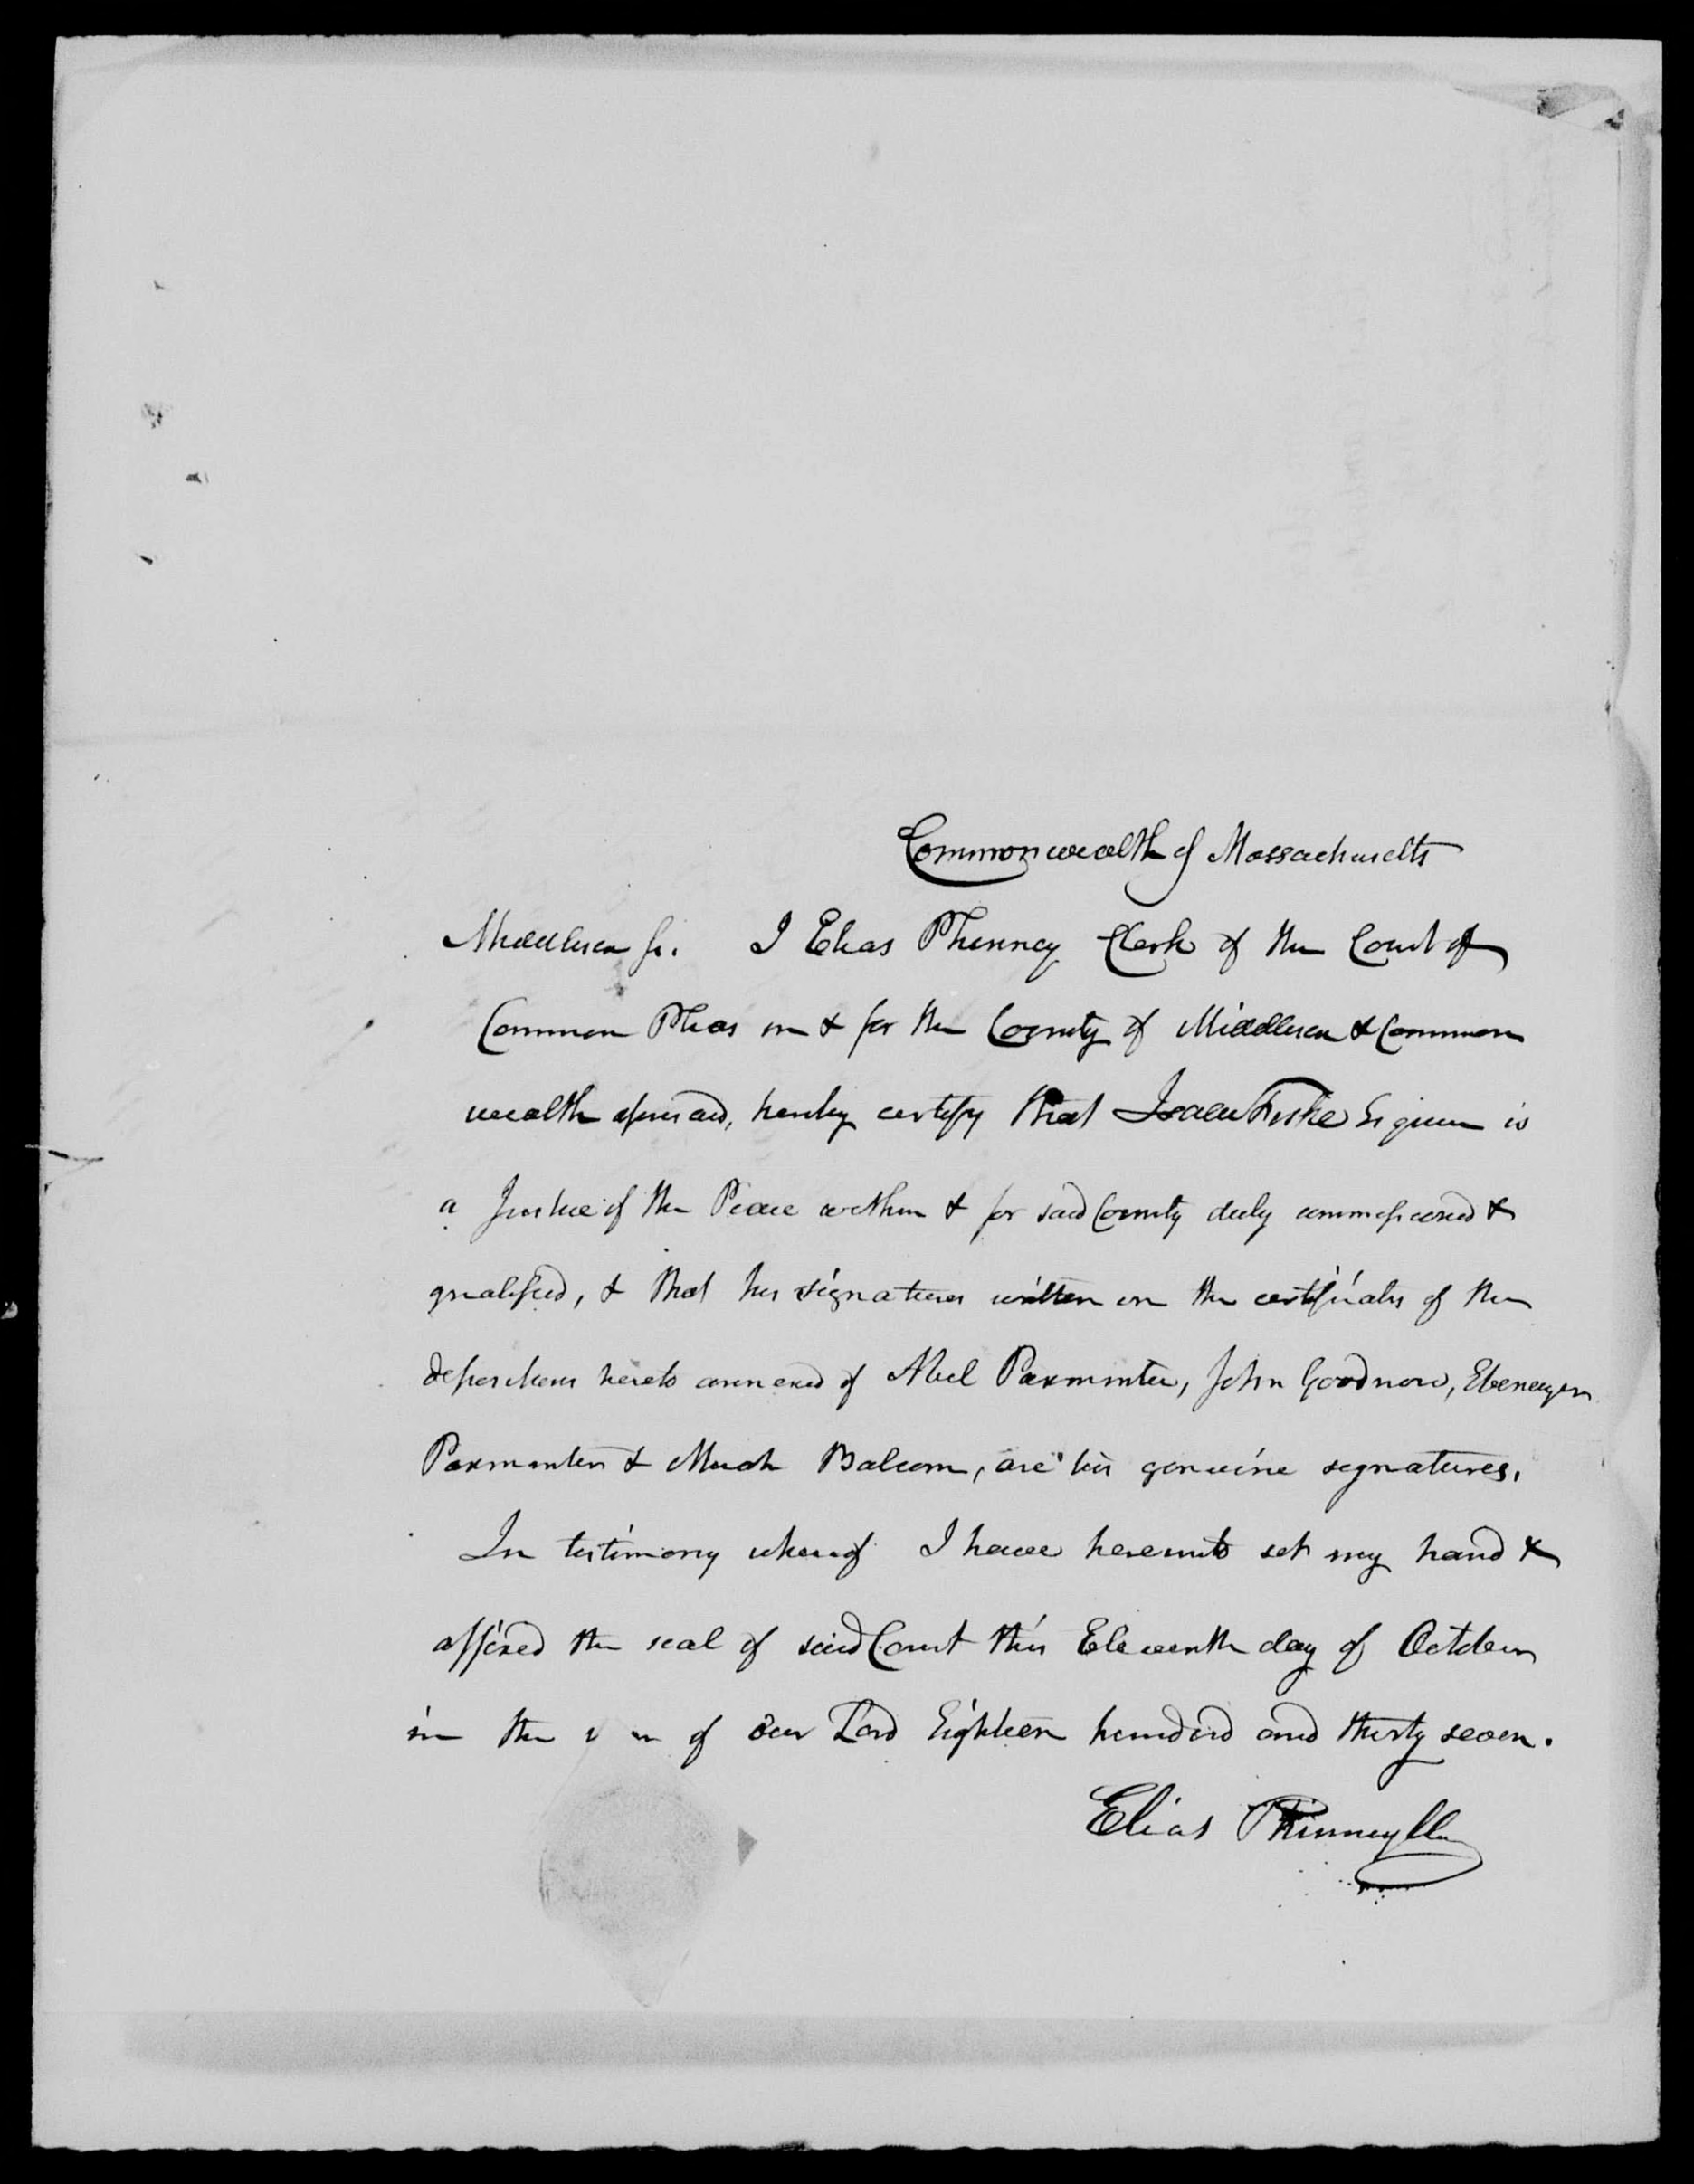Commonwealth of Massachusetts
Middlesex: I, Elias Phinney, Clerk of the Court of Common Pleas in and for the County of Middlesex and Commonwealth aforesaid, hereby certify that Isaac Fiske Esquire is a Justice of the Peace within and for said county duly commissioned and qualified and that her signature written on the certificates of the deposition hereto annexed of Abel Parmenter, John Goodnow, Ebenezer Parmenter and Micah Balcom are his genuine signatures. In testimony whereof I have hereunto set my hand and affixed the seal of said court this eleventh day of October in the year of our Lord 1837.
Elias Phinney, Clerk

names: Elias Phinney, Ebenezer Parmenter, Isaac Feske, John Goodnow, Elias Phinney, Micah Balcom, Abel Parmenter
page: 9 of 22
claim: widow's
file: W. 14,552, Abel Cutler, Mass.